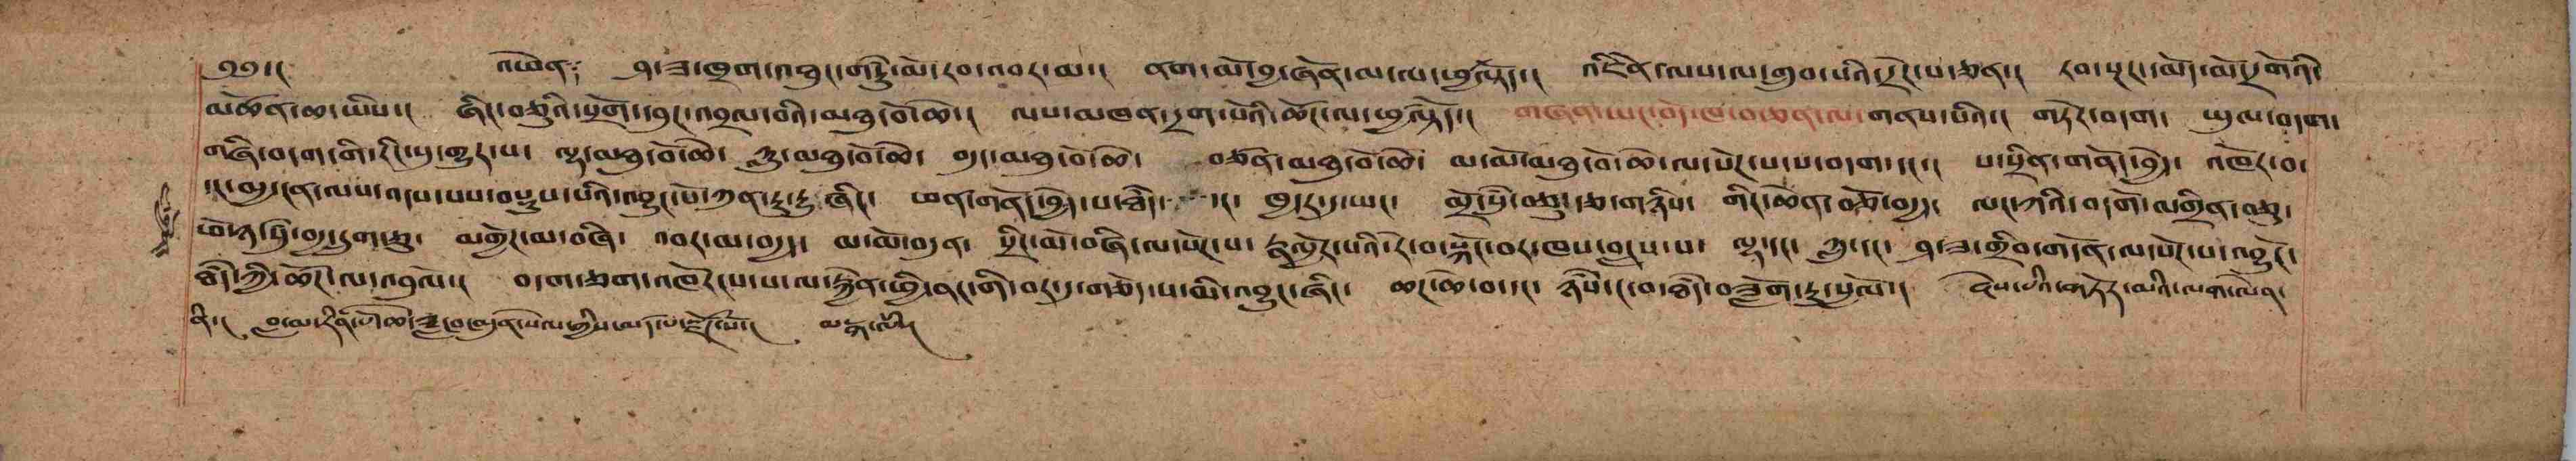༄༅།། འཕེན།།ཤ་ཟ་ཁྲག་འཐུང་གཏུམ་མོ་རབ་འབར་མ།། ནག་མོ་བྱ་ཞོན་མ་ལ་ཕྱག་འཚལ་བསྟོད།། འཇིག་རྟེན་ལས་ལ་གྲུབ་པའི་དྲེགས་པ་ཅན།། རབ་སྔགས་དམོད་མོ་དྲག་པོའི་
མཚོན་ཆ་ཡིས།། ཞིང་བཅུའི་སྲོག་དབུགས་འབྲལ་བའི་མཐུ་བོ་ཆེ།། ལས་མཁན་དྲག་པོའི་ཚོགས་ལ་ཕྱག་འཚལ་བསྟོད།། གཞན་ཡང་བོད་ཁ་བ་ཅན་ལ་གནས་པའི།། གཏེར་བདག། ཡུལ་བདག། 
གཞི་བདག་གི་རིགས་སུ་གྱུར་པ། ལྷ་མཐུ་བོ་ཆེ། ཀླུ་མཐུ་བོ་ཆེ། བདུད་མཐུ་བོ་ཆེ། བཙན་མཐུ་བོ་ཆེ། མ་མོ་མཐུ་བོ་ཆེ་ལ་སོགས་པ་ས་བདག་དང་། ས་སྲིན་གནོད་བྱེད། འཁོར་བ་
དང་མྱ་ངན་ལས་འདས་པས་བསྡུས་པའི་འབྱུང་པོ་ཀུན་ཏུ་རྒྱུ་ཞིང་། ཕན་གནོད་བྱེད་པ་ཐམས་ཅད་དང་ཁྱད་པར་དུ་ཡང་། མཁའ་འགྲོ་སུམ་ཅུ་རྩ་གཉིས། གིང་ཆེན་བཅོ་བརྒྱད། ལང་ཀའི་བདག་པོ་མགྲིན་བཅུ། 
ཕོ་ཉ་སུམ་བརྒྱ་དྲུག་ཅུ། མགྱོགས་མ་བཞི། འབར་མ་བརྒྱད། མ་མོ་བདུན། སྲིང་མོ་བཞི་ལ་སོགས་པ། རྣལ་འབྱོར་པའི་རེ་བ་སྐོང་བར་ཁས་བླངས་པ། ལྷ་དང་། ཀླུ་དང་། ཤ་ཟ་གྲིབ་གནོན་ལ་སོགས་པ་འབྱུང་པོ་
ཐམས་ཅད་ཀྱི་ཚོགས་ལ་འབུལ་ལོ། བདག་ཅག་འཁོར་དང་བཅས་པ་ལ་རྐྱེན་ཕྱི་ནང་གི་བར་དུ་གཅོད་པ་མི་འབྱུང་ཞིང་། ཆགས་ཆེ་བ་དང་། ཉམས་ང་བ་ཐམས་ཅད་བཟློག་ཏུ་གསོལ།། ཞེས་པའི་གཏོར་མའི་ལག་ལེན་
ནི། བླ་མ་རིན་པོ་ཆེ་ཟླ་བ་མུན་སེལ་གྱིས་མཛད་པ་རྫོགས་སོ།། མངྒ་ལཾ།།